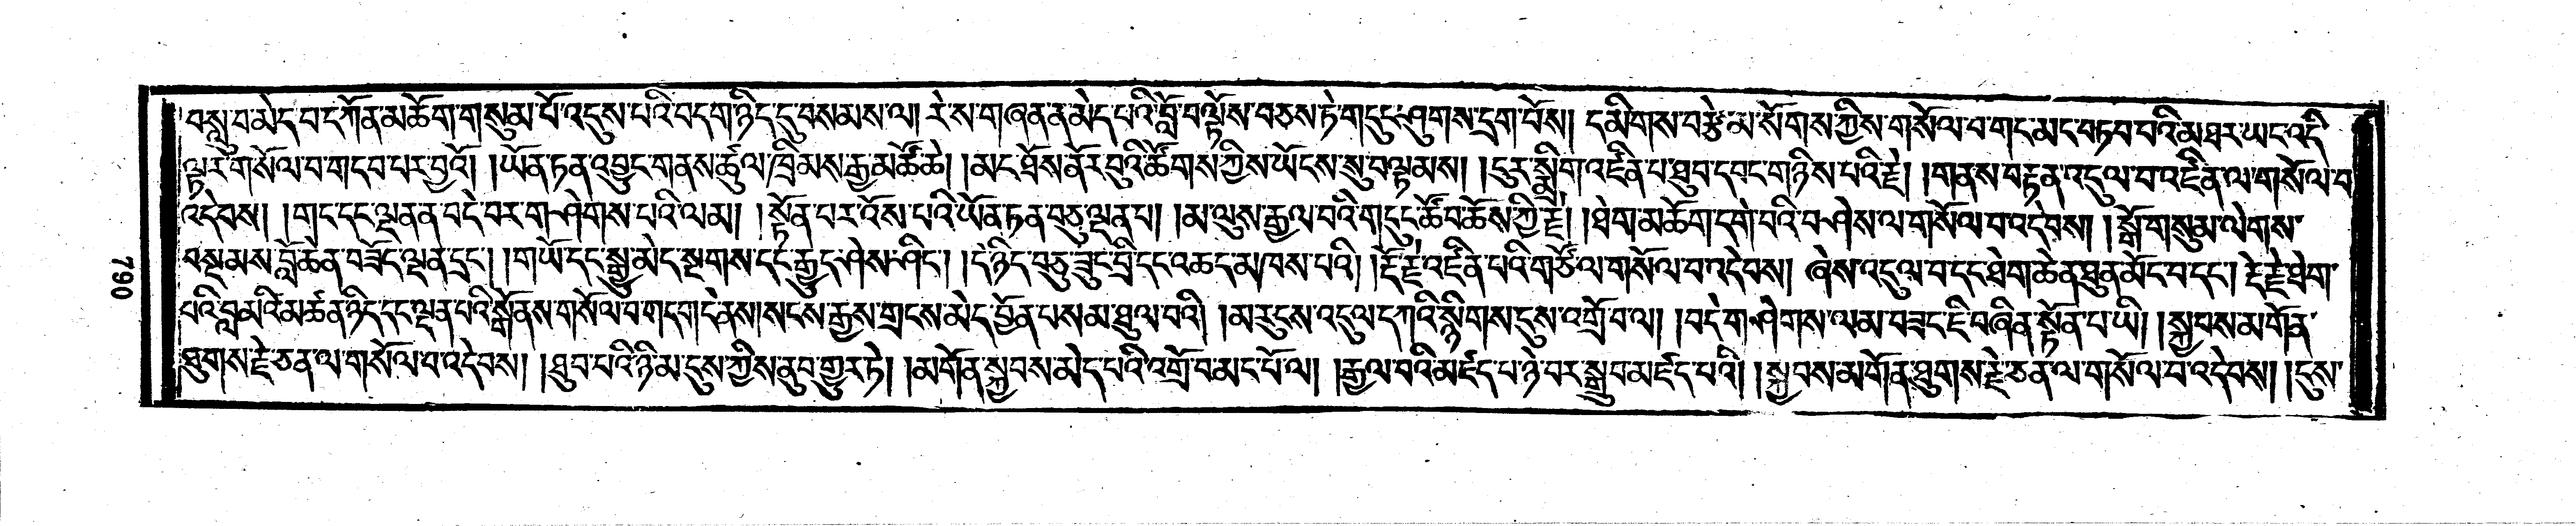བསླུ་བ་མེད་པ་དཀོན་མཆོག་གསུམ་པོ་འདུས་པའི་བདག་ཉིད་དུ་བསམས་ལ། རེ་ས་གཞན་ན་མེད་པའི་བློ་བལྟོས་བཅས་ཏེ་གདུང་ཤུགས་དྲག་པོས། དམིགས་བརྩེ་མ་སོགས་ཀྱིས་གསོལ་བ་གང་མང་བཏབ་པའི་མཐར་ཡང་འདི་
ལྟར་གསོལ་བ་གདབ་པར་བྱའོ། །ཡོན་ཏན་འབྱུང་གནས་ཚུལ་ཁྲིམས་རྒྱ་མཚོ་ཆེ། །མང་ཐོས་ནོར་བུའི་ཚོགས་ཀྱིས་ཡོངས་སུ་བལྟམས། །ངུར་སྨིག་འཛིན་པ་ཐུབ་དབང་གཉིས་པའི་རྗེ། །གནས་བརྟན་འདུལ་བ་འཛིན་ལ་གསོལ་བ་
འདེབས། །གང་དང་ལྡན་ན་བདེ་བར་གཤེགས་པའི་ལམ། །སྟོན་པར་འོས་པའི་ཡོན་ཏན་བཅུ་ལྡན་པ། །མ་ལུས་རྒྱལ་བའི་གདུང་ཚོབ་ཆོས་ཀྱི་རྗེ། །ཐེག་མཆོག་དགེ་བའི་བཤེས་ལ་གསོལ་བ་འདེབས། །སྒོ་གསུམ་ལེགས་
བསྡམས་བློ་ཆེན་བཟོད་ལྡན་དྲང་། །གཡོ་དང་སྒྱུ་མེད་སྔགས་དང་རྒྱུད་ཤེས་ཤིང་། །དེ་ཉིད་བཅུ་ཟད་བྲི་དང་འཆད་མཁས་པའི། །རྡོ་རྗེ་འཛིན་པའི་གཙོ་ལ་གསོལ་བ་འདེབས། ཞེས་འདུལ་བ་དང་ཐེག་ཆེན་ཐུན་མོང་བ་དང་། རྡོ་རྗེ་ཐེག་
པའི་བླ་མའི་མཚན་ཉིད་དང་ལྡན་པའི་སྒོ་ནས་གསོལ་བ་གདག་དེ་ནས། སངས་རྒྱས་གྲངས་མེད་བྱོན་པས་མ་ཐུལ་བའི། །མ་རུངས་འདུལ་དཀའི་སྙིགས་དུས་འགྲོ་བ་ལ། །བདེ་གཤེགས་ལམ་བཟང་ཇི་བཞིན་སྟོན་པ་ཡི། །སྐྱབས་མགོན་
ཐུགས་རྗེ་ཅན་ལ་གསོལ་བ་འདེབས། །ཐུབ་པའི་ཉི་མ་དུས་ཀྱིས་ནུབ་གྱུར་ཏེ། །མགོན་སྐྱབས་མེད་པའི་འགྲོ་བ་མང་པོ་ལ། །རྒྱལ་བའི་མཛད་པ་ཉེ་བར་སྒྲུབ་མཛད་པའི། །སྐྱབས་མགོན་ཐུགས་རྗེ་ཅན་ལ་གསོལ་བ་འདེབས། །དུས་